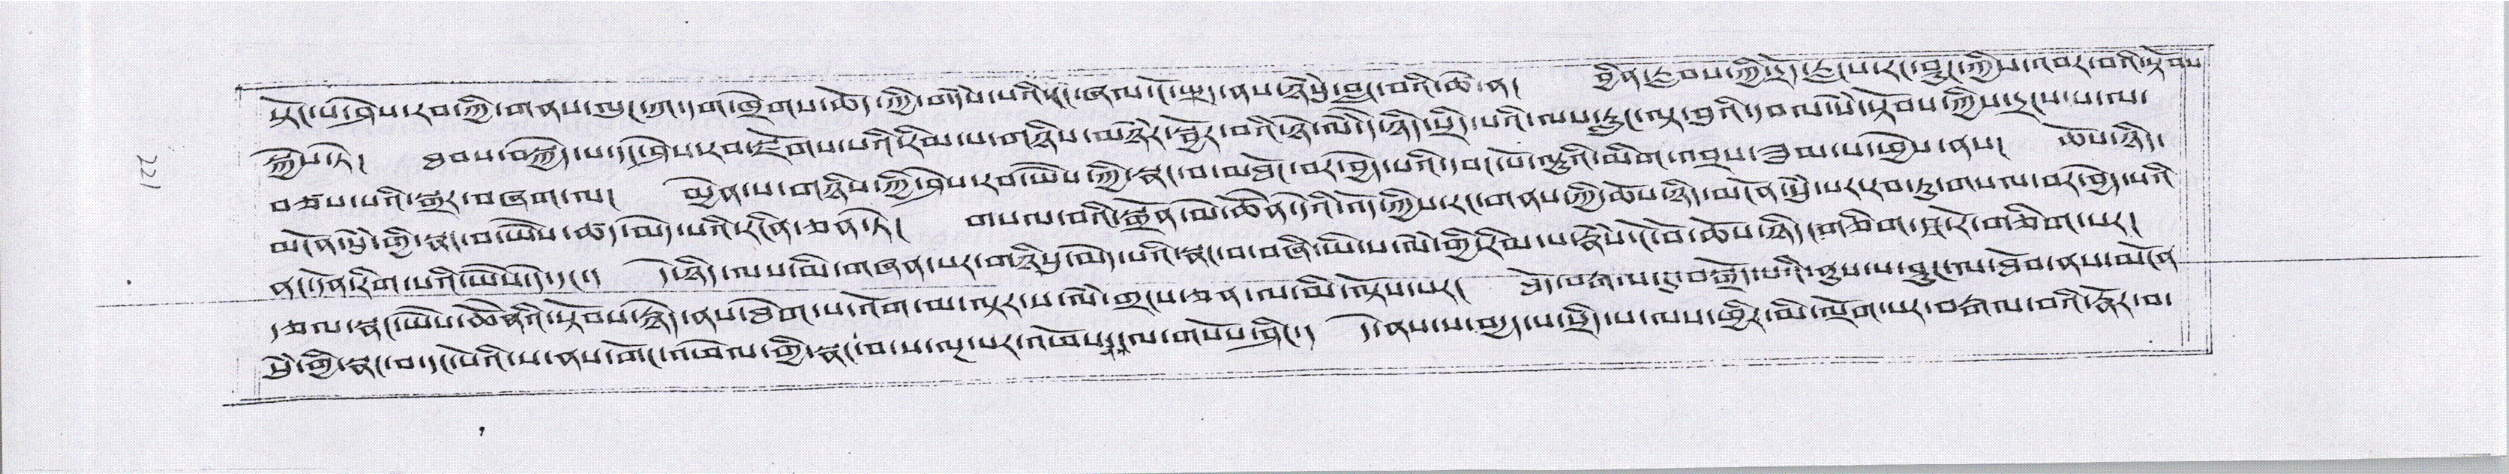སྟོང་པ་ཤེས་རབ་ཀྱི་གནས་ལུགས་ཀ་དག་ཁྲེགས་ཆོད་ཀྱི་གདམས་པའི་རང་ཞལ་ངོ་སྤྲད་ནས་ཉམས་སུ་བླང་བའི་ཚེ་ན། བྱིན་རླབས་ཀྱི་དྲོད་རླངས་རང་ཤུགས་ཀྱིས་འབར་བའི་སྟོབས་
སྐྱེས་ཏེ། ཐབས་བསྐྱེད་པ་དང་ཤེས་རབ་རྫོགས་པའི་རིམ་པ་གཉིས་མཉམ་པར་སྦྱོར་བའི་ཉེ་ལམ་དེ་ཉིད་སྲིད་པའི་ལས་རླུང་ལྟ་བུའི་དབལ་སམ་སྟོབས་ཀྱིས་དྲངས་པ་ལ་
བཙས་པའི་སྒྲར་བཞག་ལ། མཁྱེན་པ་གཉིས་ཀྱི་ཤེས་རབ་ཡེ་ཤེས་ཀྱི་སྣང་བ་མཐོང་བར་བྱེད་པའི་དབང་པོ་ལྟ་བུའི་མིག་འབྲས་ཟུམ་པ་ཕྱེས་ནས། ཆོས་ཉིད་
མངོན་སུམ་གྱི་སྣང་བ་ཡེ་ཤེས་ཚད་མེད་པའི་རང་བཞིན་ཅན་ཏེ། གསལ་བའི་སྒྲོན་མེ་ཆེན་པོ་དེའི་འོད་ཀྱིས་རང་གནས་ཀྱི་ཆོས་ཉིད་མངོན་གསུམ་པར་རབ་ཏུ་གསལ་བར་བྱེད་པའི་
ནང་དོན་རིག་པའི་ཡེ་ཤེས་དེ་དང། དེ་ཉིད་ལས་མི་གཞན་པར་གཉིས་སུ་མེད་པའི་སྣང་བ་བཞི་ཡི་ས་ལམ་གྱི་རིམ་པ་རྣམས་ངོ་བོ་ཆོས་ཉིད་གཅིག་རོ་གཅིག་པར་
རྩལ་སྣང་ཡེ་ཤེས་ཆེན་པོའི་སྟོབས་རྙེད་ནས་ཐེག་པ་འོག་མ་ལྟར་ས་ལམ་གྲངས་ཅན་ལ་མི་ལྟོས་པར། ཐོད་བརྒལ་དུ་བསྒྲོད་པའི་ནུས་པ་ཤུགས་ལ་ཐོབ་ནས་མངོན་
སུམ་གྱི་སྣང་བ་དང་པོའི་ས་ནས་གོང་འཕེལ་གྱི་སྣང་བ་སྔ་ལྔ་པར་འཕོས་ནས་ངལ་གསོས་ཤིང། དེ་ནས་ས་བརྒྱད་པ་སྲིད་པ་ལས་ཕྱིར་མི་ལྡོག་པར་བརྒལ་བའི་རྣལ་འབྱོར་བ་